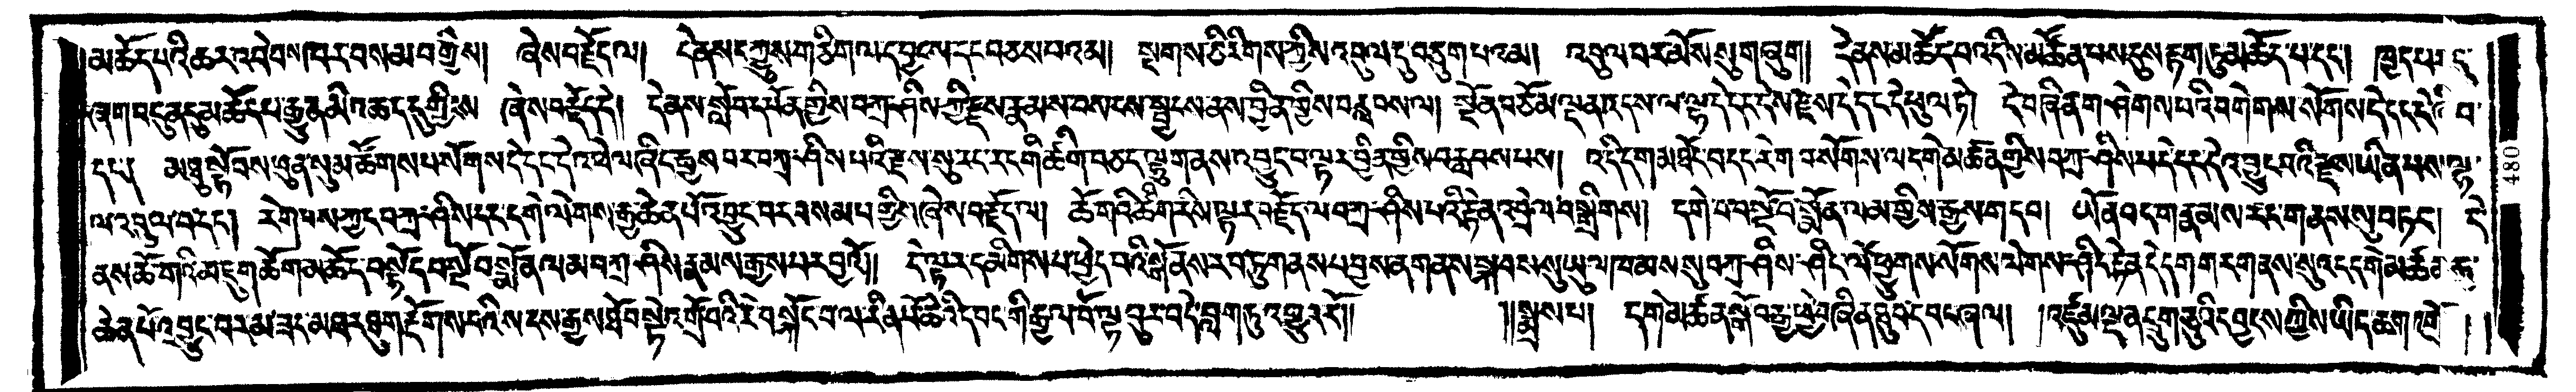མཆོད་པའི་ཆར་འབེབས་ཁར་བསམ་བགྱིས། ཞེས་བརྗོད་ལ། དེ་ནས་དཀྱུས་གཅིག་ལ་དབྱངས་དང་བཅས་བའམ། སྔགས་ཅི་རིགས་ཀྱིས་འབུལ་དུ་བཅུག་པའམ། འབུལ་བར་མོས་སུ་གཞུག །དེ་ནས་མཆོད་པ་འདིས་མཚོན་བས་དུས་རྟག་ཏུ་མཆོད་པ་དང་། ཁྱད་པར་
ཞག་བདུན་དུ་མཆོད་པ་རྒྱུན་མི་འཆད་དུ་གྱིས། ཞེས་བརྗོད་དེ། དེ་ནས་སློབ་དཔོན་གྱིས་བཀྲ་ཤིས་ཀྱི་རྫས་རྣམས་བ་སངས་སྦྱངས་ནས་བྱིན་གྱིས་བརླབས་ལ། སྔོན་བཅོམ་ལྡན་འདས་ལ་ལྟ་དེ་དང་དེས་རྗེས་དེ་དང་དེ་ཕུལ་ཏེ། དེ་བཞིན་གཤེགས་པའི་འགེགས་སོགས་དེ་དང་དེ་བཞིབ?
དང་། མཐུ་སྟོབས་ཕུན་སུམ་ཚོགས་པ་སོགས་དེ་དང་དེ་འཕེལ་ཞིང་རྒྱས་པར་བཀྲ་ཤིས་པའི་རྫས་སུ་རང་རང་གི་ཚིག་བཅད་ལྷུག་ནས་འབྱུང་བ་ལྟར་བྱིན་གྱིས་བརླབས་པས། འདི་དག་མཐོང་བ་དང་རེག་བསོགས་ལ་དགེ་མཚན་གྱིས་བཀྲ་ཤིས་པ་དེ་དང་དེ་འབྱུང་བའི་རྫས་ཡིན་པས་ལྷ་
ལ་འབུལ་བ་དང་། རེག་བས་ཀྱང་བཀྲ་ཤིས་དང་དགེ་ལེགས་རྒྱ་ཆེན་པོ་འབྱུང་བར་བསམ་པ་གྱིས་ཞེས་བརྗོད་ལ། ཆོ་གའི་ཚིག་རིས་ལྟར་བརྗོད་ལ་བཀྲ་ཤིས་པའི་རྟེན་འབྲེལ་བསྒྲིགས། དགེ་བ་བསྔོ་བ་སྨོན་ལམ་གྱིས་རྒྱས་གདབ། ཡོན་བདག་རྣམས་རང་གནས་སུ་བཏང་། དེ་
ནས་ཆོ་གའི་འཇུག་ཆོག་མཆོད་བསྟོད་བསྔོ་བསྨོན་ལམ་བཀྲ་ཤིས་རྣམས་རྒྱས་པར་བྱའོ། དེ་ལྟར་དམིགས་པ་ཕྱེད་པའི་སྒོ་ནས་རབ་ཏུ་གནས་པ་བྱས་ན་གནས་སྐབས་སུ་ཡུལ་ཁམས་སུ་བཀྲ་ཤིས་ཤིང་ལོ་ཕྱུགས་སོགས་ལེགས་ཤིང་རྟེན་དེ་དག་གར་གནས་སུ་འང་དགེ་མཚན་ཏུ་
ཆེན་པོ་འབྱུང་བར་མ་ཟང་མཐར་ཐུག་རྡོགས་པའི་སངས་རྒྱས་ཐོབ་སྟེ་འགྲོ་བའི་རེ་བསྐོང་བ་ལ་རིན་པོ་ཆེའི་དབང་གི་རྒྱལ་པོ་ལྟ་བུར་བདེ་བླག་ཏུ་འགྱུར་རོ།། །།སྨྲས་པ། དགེ་མཚན་སྒོ་བརྒྱ་ཕྱེ་བཞིན་དུབ་དབང་ཞལ། །འཛུམ་ལྡན་དྲུག་ཅུའི་དབྱངས་ཀྱིས་ཡིད་ཆག་འགྲོ། །